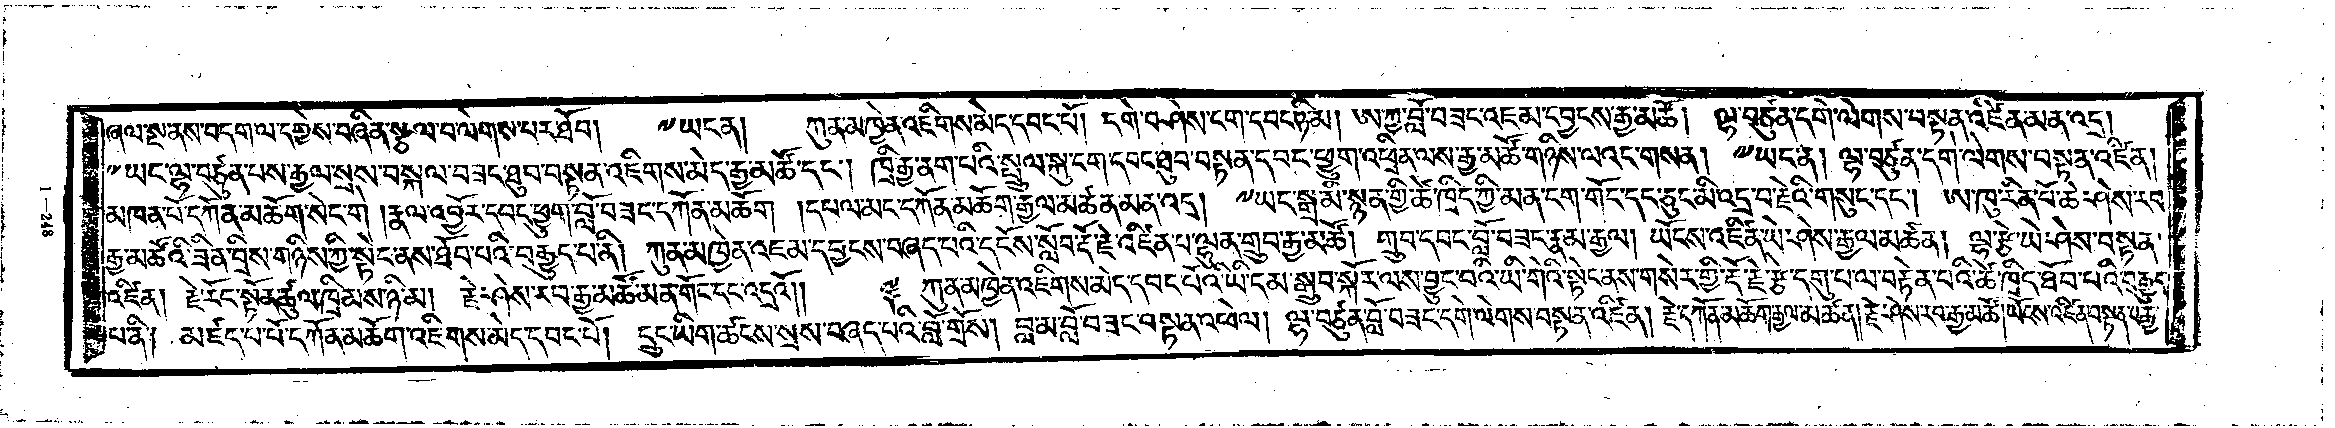ཞལ་སྔ་ནས་བདག་ལ་དགྱེས་བཞིན་སྩལ་བ་ལེགས་པར་ཐོབ། ༧ཡང་ན། ཀུན་མཁྱེན་འཇིགས་མེད་དབང་པོ། དགེ་བཤེས་ངག་དབང་ཉི་མ། ཨ་ཀྱ་བློ་བཟང་འཇམ་དབྱངས་རྒྱ་མཚོ། ལྷ་བཙུན་དགེ་ལེགས་བསྟན་འཛིན་མན་འདྲ།
ཡང་ལྷ་བཙུན་པས་རྒྱལ་སྲས་བསྐལ་བཟང་ཐུབ་བསྟན་འཇིགས་མེད་རྒྱ་མཚོ་དང་། ཁྲི་རྒྱ་ནག་པའི་སྤྲུལ་སྐུ་ངག་དབང་ཐུབ་བསྟན་དབང་ཕྱུག་འཕྲིན་ལས་རྒྱ་མཚོ་གཉིས་ལའང་གསན། ༧ཡང་ན། ལྷ་བཙུན་དགེ་ལེགས་བསྟན་འཛིན།
མཁན་པོ་དཀོན་མཆོག་སེང་གེ །རྣལ་འབྱོར་དབང་ཕྱུག་བློ་བཟང་དཀོན་མཆོག །དཔལ་མང་དཀོན་མཆོག་རྒྱལ་མཚན་མན་འདྲ། ༧ཡང་སྒྲ་མི་སྙན་གྱི་ཚེ་ཁྲིད་ཀྱི་མན་ངག་གོང་དང་ཅུང་མི་འདྲ་བ་རྗེའི་གསུང་དང་། ཨ་ཁུ་རིན་པོ་ཆེ་ཤེས་རབ་
རྒྱ་མཚོའི་ཟིན་བྲིས་གཉིས་ཀྱི་སྟེང་ནས་ཐོབ་པའི་བརྒྱུད་པ་ནི། ཀུན་མཁྱེན་འཇམ་དབྱངས་བཞད་པའི་དངོས་སློབ་རྡོ་རྗེ་འཛིན་པ་ལྷུན་གྲུབ་རྒྱ་མཚོ། གྲུབ་དབང་བློ་བཟང་རྣམ་རྒྱལ། ཡོངས་འཛིན་ཡེ་ཤེས་རྒྱལ་མཚན། ལྷ་རྩེ་ཡེ་ཤེས་བསྟན་
འཛིན། རྗེ་རོང་སྟོན་ཚུལ་ཁྲིམས་ཉི་མ། རྗེ་ཤེས་རབ་རྒྱ་མཚོ་མན་གོང་དང་འདྲའོ།། འ་ཀུན་མཁྱེན་འཇིགས་མེད་དབང་པོའི་ཡི་དམ་སྒྲུབ་སྐོར་ལས་བྱུང་བའི་ཡི་གེའི་སྟེང་ནས་གསེར་གྱི་རྡོ་རྗེ་རྩེ་དགུ་པ་ལ་བརྟེན་པའི་ཚེ་ཁྲིད་ཐོབ་པའི་བརྒྱུད་
པ་ནི། མཛད་པ་པོ་དཀོན་མཆོག་འཇིགས་མེད་དབང་པོ། དྲུང་ཡིག་ཚངས་སྲས་བཞད་པའི་བློ་གྲོས། བླ་མ་བློ་བཟང་བསྟན་འཕེལ། ལྷ་བཙུན་བློ་བཟང་དགེ་ལེགས་བསྟན་འཛིན། རྗེ་དཀོན་མཆོག་རྒྱལ་མཚན། རྗེ་ཤེས་རབ་རྒྱ་མཚོ། ཡོངས་འཛིན་བསྟན་བརྒྱ་